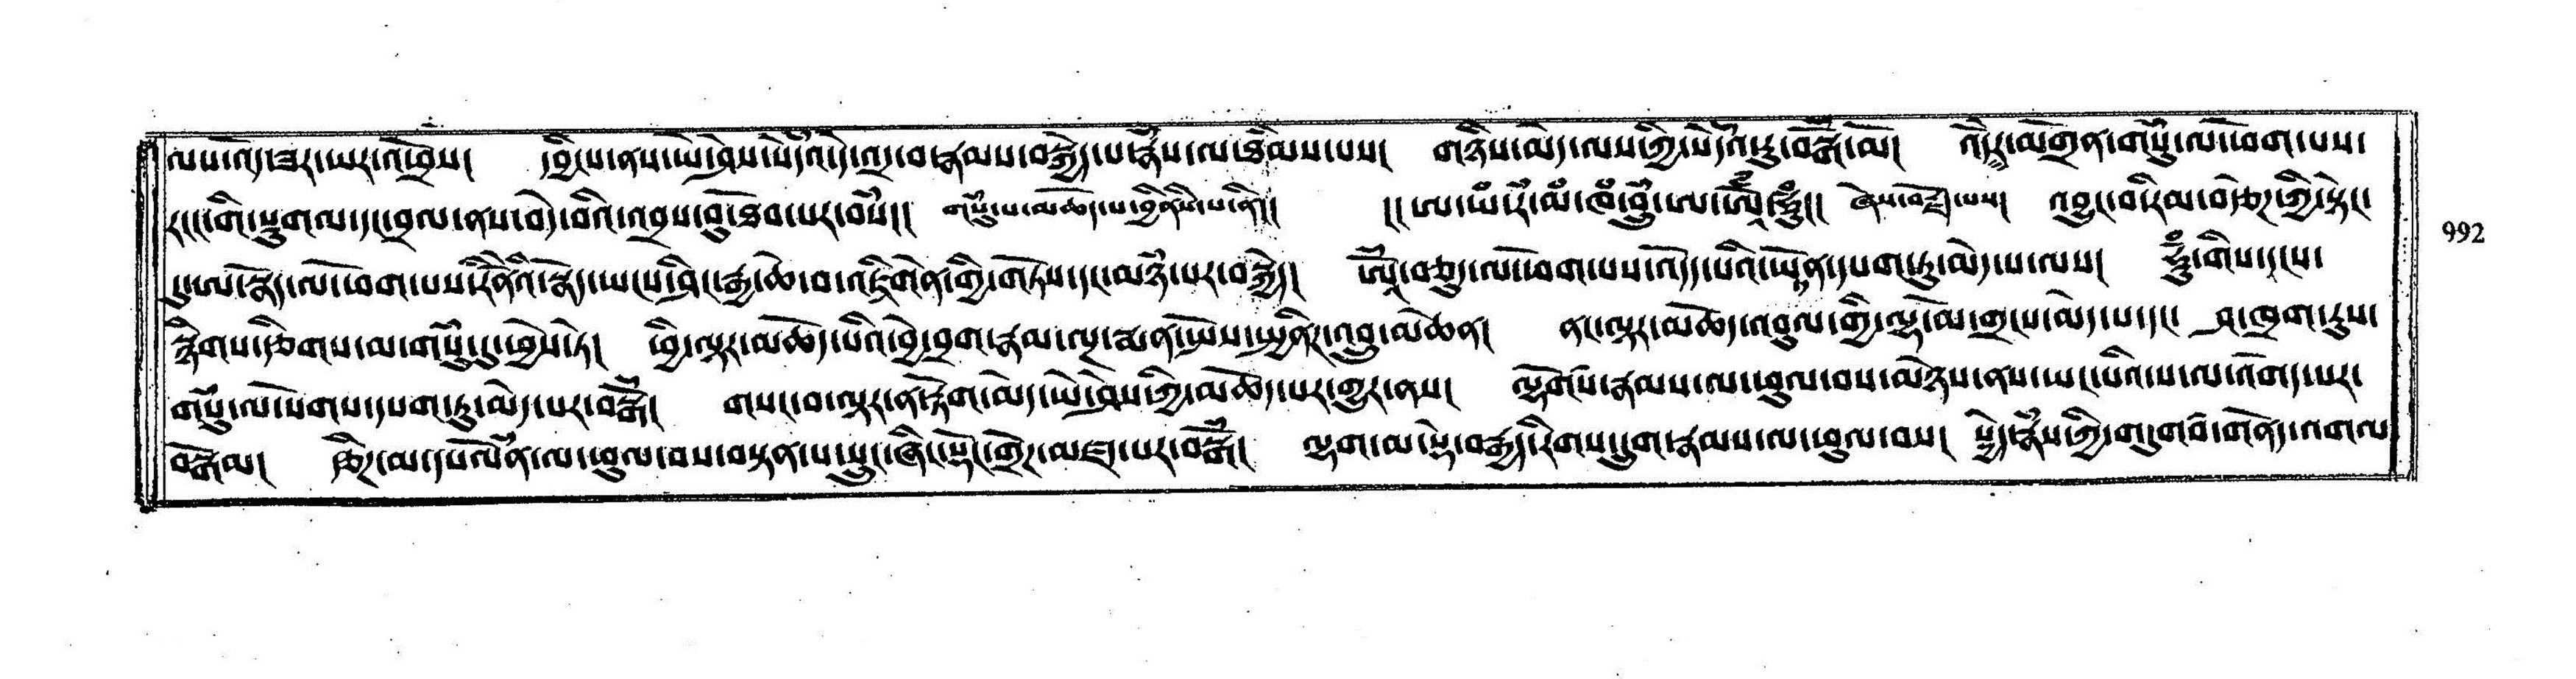ལས་འོད་ཟེར་ཡར་འཕྲོས། དབྱིངས་ནས་ཡེ་ཤེས་སེམས་དཔའ་དེ་འདྲ་བ་རྣམས་བསྐྱེད་པ་རྣམས་ལ་ཐིམས་པས། གཉིས་མེད་ལས་ཀྱི་སེམས་དཔའ་རུ་བསྒོམ་མོ། འོད་ཟེར་མགྲོན་གསུམ་ལ་ཕོག་པས་
རང་རང་གི་སྡུག་བསྔལ་དང་བྲལ་ནས་བདེ་བའི་འབྲས་བུ་ཐོབ་པར་བསམ།། གསུམ་པ་མཆོད་པ་བྱིན་གྱིས་བརླབ་པ་ནི།། །།ཨ་ཡཾ་རཾ་མཾ་ཁཾ་བྲུཾ་ཨ་ཨཱོཾ་ཧཱུྃ།། ཞེས་བརྗོད་པས། འབྱུང་བ་རིམ་བརྩེགས་ཀྱི་སྟེང་
དུ་ཨ་སྣོད་ལ་ཕོག་པས་རིན་པོ་ཆེའི་སྣོད་ཡངས་ཤིང་རྒྱ་ཆེ་བ་འཇིག་རྟེན་གྱི་གཏོས་དང་མཉམ་པར་བསྐྱེད། ཨཱོཾ་བཅུད་ལ་ཕོག་པས་འདོད་པའི་ཡོན་ཏན་དཔག་ཏུ་མེད་པ་ལས། ཧཱུྃ་གིས་དྭངས་
སྙིགས་རྩིགས་མ་གསུམ་དུ་ཕྱེས་ཏེ། ཕྱི་ལྟར་མཆོད་པའི་བྱེ་བྲག་རྣམ་ལྔ་སྨན་སྤོས་སྤྱན་གཟིགས་འབྲུ་མཆན། ནང་ལྟར་མཆོད་འབུལ་གྱི་ལྷ་མོ་གྲངས་མེད་པ་དང་ཤ་ཁྲག་རུས་
གསུམ་ལ་སོགས་དཔག་ཏུ་མེད་པར་བསྒོམ། གསང་བ་ལྟར་ན་རྟོག་མེད་ཡེ་ཤེས་ཀྱི་མཆོད་པར་གྱུར་ནས། ལྷ་ཚོགས་རྣམས་ལ་ཕུལ་བས་མཉེས་ནས་ཡངས་པའི་ས་ལ་འགོད་པར་
བསྒོམ། རྩིགས་མ་དཔལ་མགོན་ལ་ཕུལ་བས་བསྟན་པ་སྲུང་ཞིང་སྡོང་གྲོགས་མཛད་པར་བསྒོམ། ལྷག་མ་སྡེ་བརྒྱད་རིགས་དྲུག་རྣམས་ལ་ཕུལ་བས། སྡེ་བརྒྱད་རྣམས་ཀྱི་གདུག་རྩུབ་གནོད་འགལ་